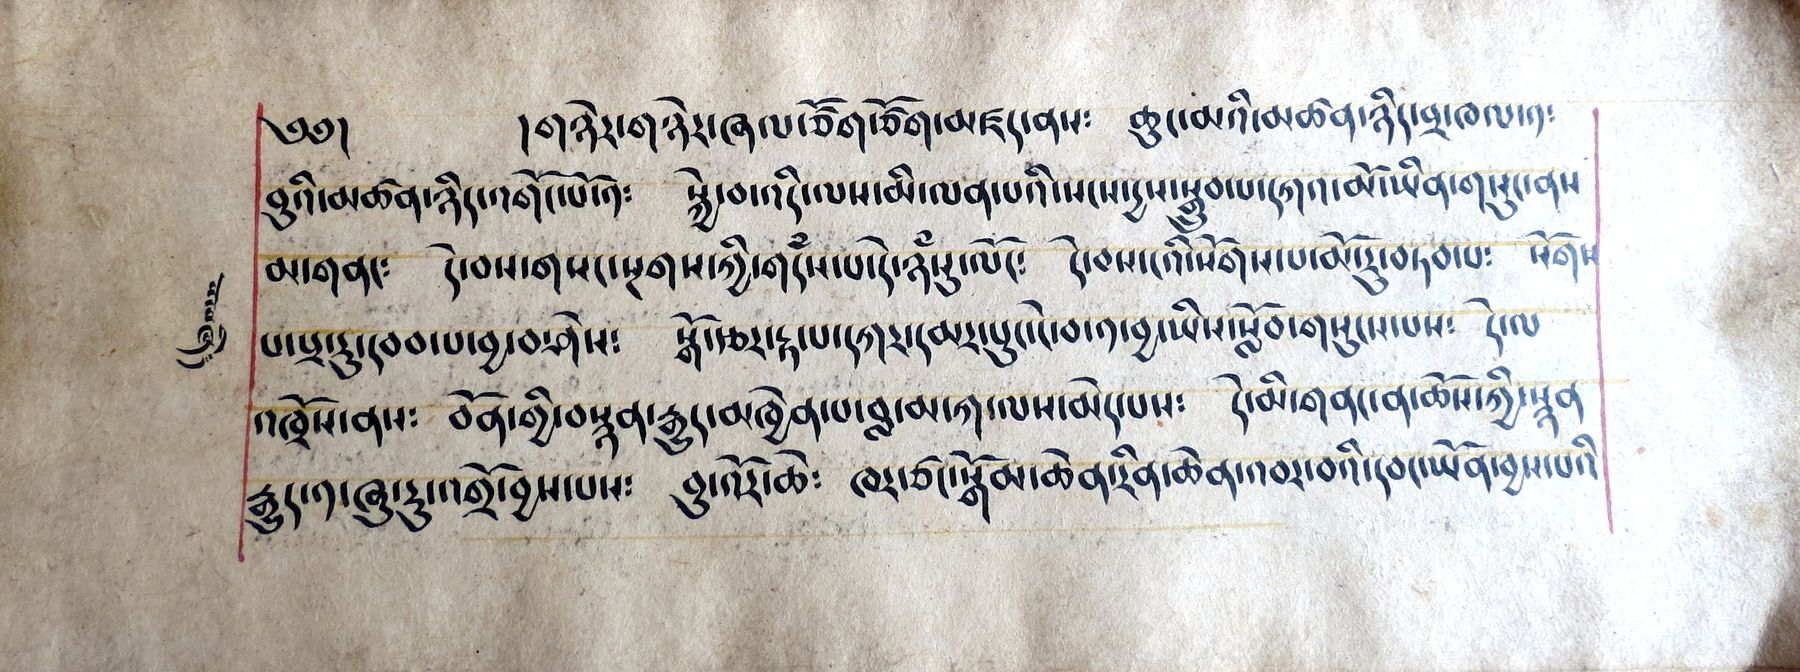གཉེར་གཉེར་ཞལ་ཙོག་ཙོག་མཛད་ནས། ཆུང་མའི་མཚན་ཉིད་བྲ་ཁལ་གཅིག 
བུ་ཚའི་མཚན་ཉིད་འགོང་པོ་གཅིག སྐྱེ་བ་འདི་ལས་མི་ལེན་པའི་སངས་རྒྱས་བསྒྲུབ་དཀའ་མོ་ཡིན་གསུངས་ནས་
མ་གནང་། དེ་བས་སྔགས་ཀྱིས་གདམས་པ་དེ་ཉམས་སུ་ལོངས། དེ་བས་ང་ཡིས་སོག་པ་མོ་རུ་བཏབ་པ། སོག་
པ་པྲ་རུ་དབབ་པ་བྱ་བ་ཤེས། སྒོ་རྩ་རྟ་པ་དཀར་དམར་པུང་ངེ་བ་ཞིག་བྱ་ཡིས་སློབ་གསུངས་པས། དེ་ལ་
འཁྲོས་ནས་བོན་གྱི་སྙན་རྒྱུད་མཁྱེན་པ་བླ་མ་ཀ་ལས་མེད་པས། དེ་མི་གནང་ན། ཆོས་ཀྱི་སྙན་
རྒྱུད་ཅིག་ཞུ་རུ་འགྲོ་བྱས་པས། བུ་འོར་ཆེའོ། །ཁར་ཙང་སྒོམ་ཆེན་རིན་ཆེན་འབར་བས་དབང་ཡོན་བྱས་པའི་